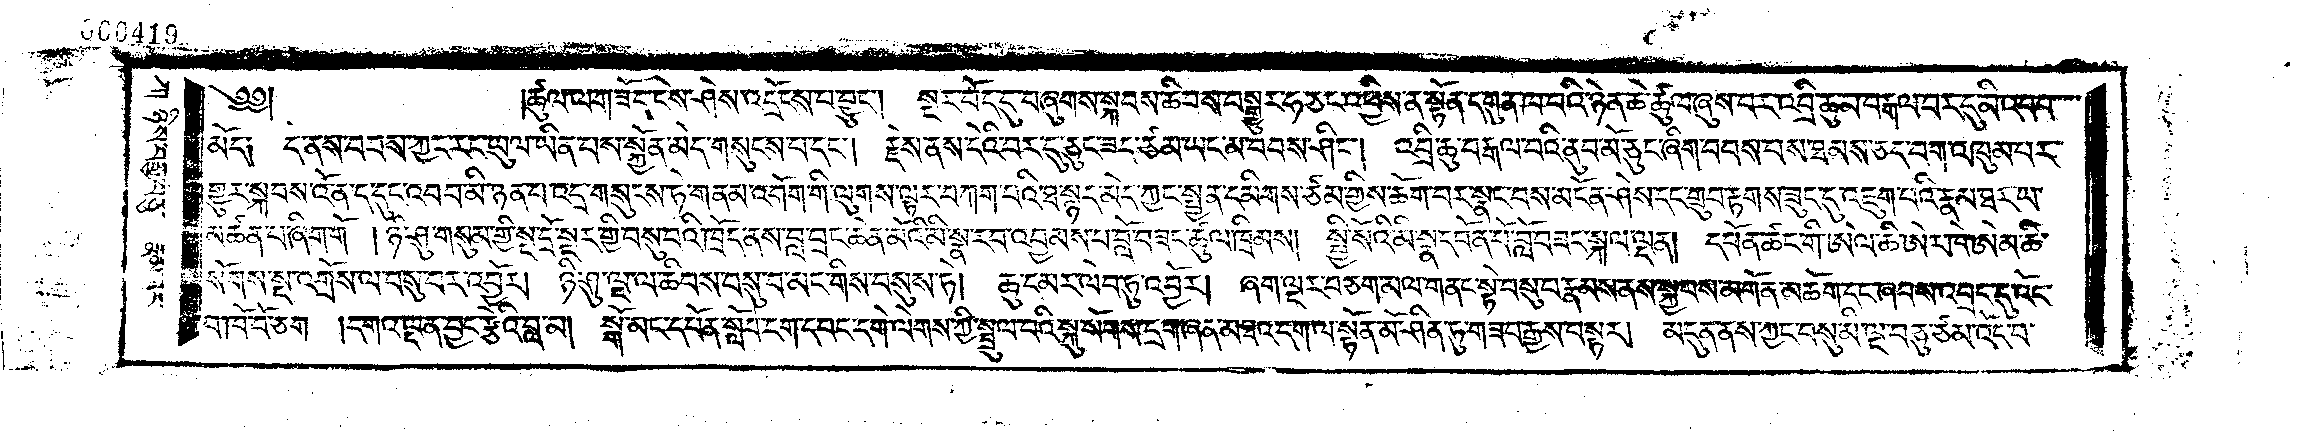༄༅། །ཚུལ་ལ་གཟོད་ངེས་ཤེས་འདྲོངས་པ་བྱུང་། སྔར་བོད་དུ་བཞུགས་སྐབས་ཆིབས་བསྒྱུར་ཧ་ཅང་འཕྱིས་ན་སྟོན་དགུན་ཁ་པའི་ཉེན་ཆེ་ཚུལ་ཞུས་པར་འབྲི་ཆུ་མ་བརྒལ་བར་དུ་མི་འབབ་
མོད༑ དེ་ནས་བབས་ཀྱང་རང་ཡུལ་ཡིན་པས་སྐྱོན་མེད་གསུངས་པ་དང་། རྗེས་ནས་དེའི་བར་དུ་ཅུང་ཟད་ཙམ་ཡང་མ་བབས་ཤིང་། འབྲི་ཆུ་བརྒལ་པའི་ནུབ་མོ་ཅུང་ཞིག་བབས་པས་ཐམས་ཅད་བག་འཁུམ་པར་
གྱུར་སྐབས་འོ་ན་ད་དུང་འབབ་མི་ཉན་པ་འདྲ་གསུངས་ཏེ་གནམ་འགོག་གི་ལུགས་ལྟར་བཀག་པའི་ཐ་སྙད་མེད་ཀྱང་སྤྱན་དམིགས་ཙམ་གྱིས་ཆོག་པར་སྣང་བས་མངོན་ཤེས་དང་གྲུབ་རྟགས་ཟུང་དུ་འཇུག་པའི་རྣམ་ཐར་ཡ་
མཚན་པ་ཞིག་གོ །ཉི་ཤུ་གསུམ་གྱི་སྔ་དྲོ་སྔར་གྱི་བསུ་བའི་ཁྲོད་ནས་བླ་བྲང་ཆེན་མོའི་མི་སྣ་རབ་འབྱམས་པ་བློ་བཟང་ཚུལ་ཁྲིམས། སྤྱི་སོའི་མི་སྣ་དབོན་པོ་བློ་བཟང་སྐལ་ལྡན། དཔོན་ཚང་གི་ཨེལ་ཆི་ཨེར་ཁེ་ཨེམ་ཆི་
སོགས་སྔ་འགྲོས་ལ་བསུ་བར་འབྱོར། ཉི་ཤུ་ལྔ་ལ་ཆིབས་བསུ་བ་མང་གིས་བསུས་ཏེ། ཆུ་དམར་ལེབ་ཏུ་འབྱོར། ཞག་ལྔར་བཅག་མལ་གནང་སྟེ་བསུ་བ་རྣམས་ནས་སྐྱབས་མགོན་མཆོག་དང་ཞབས་འབྲང་དུ་འོང་
བ་ཁོ་བོ་ཅག །དགའ་ལྡན་བྱང་རྩེའི་བླ་མ། སྒོ་མང་དཔོན་སློབ་ངག་དབང་དགེ་ལེགས་ཀྱི་སྦྲུལ་པའི་སྐུ་སོགས་དྲག་ཞན་མཐའ་དག་ལ་སྟོན་མོ་ཤིན་ཏུ་གཟབ་རྒྱས་བསྟར། མདུན་ནས་ཀྱང་བསུ་མི་ལྔ་བཅུ་ཙམ་འོང་བ་